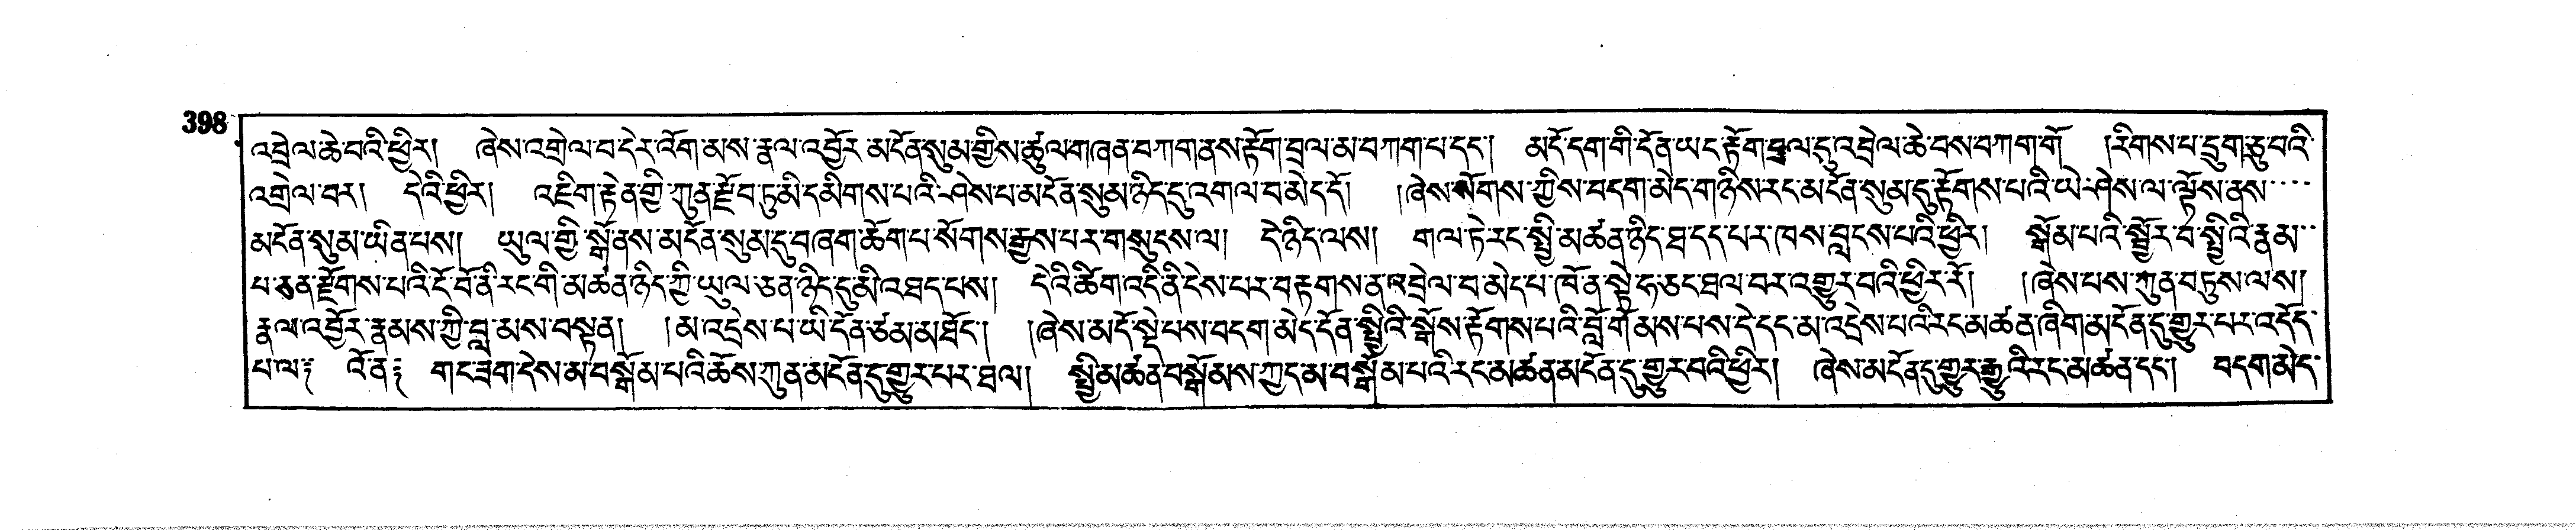འབྲེལ་ཆེ་བའི་ཕྱིར། ཞེས་འགྲེལ་བ་དེར་འོག་མས་རྣལ་འབྱོར་མངོན་སུམ་གྱིས་ཚུལ་གཞན་བཀག་ནས་རྟོག་བྲལ་མ་བཀག་པ་དང་། མདོ་དག་གི་དོན་ཡང་རྟོག་བྲལ་དུ་འབྲེལ་ཆེ་བས་བཀག་གོ །རིགས་པ་དྲུག་ཅུ་པའི་
འགྲེལ་བར། དེའི་ཕྱིར། འཇིག་རྟེན་གྱི་ཀུན་རྫོབ་ཏུ་མི་དམིགས་པའི་ཤེས་པ་མངོན་སུམ་ཉིད་དུ་འགལ་བ་མེད་དོ། །ཞེས་སོགས་ཀྱིས་བདག་མེད་གཉིས་རང་མངོན་སུམ་དུ་རྟོགས་པའི་ཡེ་ཤེས་ལ་ལྟོས་ནས་
མངོན་སུམ་ཡིན་པས། ཡུལ་གྱི་སྒོ་ནས་མངོན་སུམ་དུ་བཞག་ཆོག་པ་སོགས་རྒྱས་པར་གསུངས་ལ། དེ་ཉིད་ལས། གལ་ཏེ་རང་སྤྱི་མཚན་ཉིད་དུ་མི་འཐ་དད་པར་ཁས་བླངས་པའི་ཕྱིར། སྒོམ་པའི་སྦྱོར་བ་སྤྱིའི་རྣམ་
པ་ཅན་རྫོགས་པའི་ངོ་བོ་ནི་རང་གི་མཚན་ཉིད་ཀྱི་ཡུལ་ཅན་ཉིད་དུ་མི་འཐད་པས། དེའི་ཚིག་འདི་ནི་ངེས་པར་བརྟགས་ན་འབྲེལ་བ་མེད་པ་ཁོ་ན་སྟེ་ཧ་ཅང་ཐལ་བར་འགྱུར་བའི་ཕྱིར་རོ། །ཞེས་པས་ཀུན་བཏུས་ལས།
རྣལ་འབྱོར་རྣམས་ཀྱི་བླ་མས་བསྟན། །མ་འདྲེས་པ་ཡི་དོན་ཙམ་མཐོང་། །ཞེས་མདོ་སྡེ་པས་བདག་མེད་དོན་སྤྱིའི་སྒོས་རྟོགས་པའི་བློ་གོམས་པས་དེ་དང་མ་འདྲེས་པའི་རང་མཚན་ཞིག་མངོན་དུ་གྱུར་པར་འདོད་
པ་ལ། འོ་ན། གང་ཟག་དེས་མ་བསྒོམ་པའི་ཆོས་ཀུན་མངོན་དུ་གྱུར་པར་ཐལ། སྤྱི་མཚན་བསྒོམས་ཀྱང་མ་བསྒོམ་པའི་རང་མཚན་མངོན་དུ་གྱུར་བའི་ཕྱིར། ཞེས་མངོན་དུ་གྱུར་རྒྱུའི་རང་མཚན་དང་། བདག་མེད་